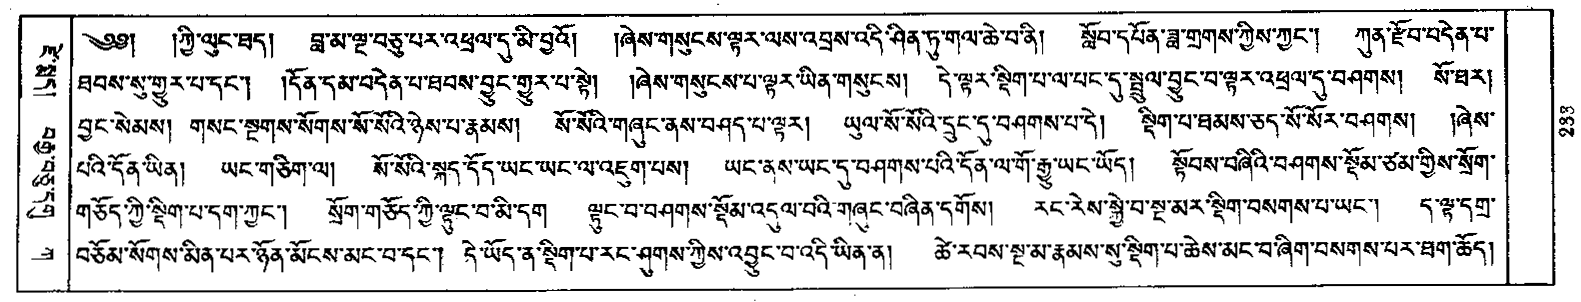༄༅། །ཀྱི་ལུང་ཐད། བླ་མ་ལྔ་བཅུ་པར་འཕྲལ་དུ་མི་བྱའོ། །ཞེས་གསུངས་ལྟར་ལས་འབྲས་འདི་ཤིན་ཏུ་གལ་ཆེ་བ་ནི། སློབ་དཔོན་ཟླ་གྲགས་ཀྱིས་ཀྱང་། ཀུན་རྫོབ་བདེན་པ་
ཐབས་སུ་གྱུར་པ་དང་། །དོན་དམ་བདེན་པ་ཐབས་བྱུང་གྱུར་པ་སྟེ། །ཞེས་གསུངས་པ་ལྟར་ཡིན་གསུངས། དེ་ལྟར་སྡིག་པ་ལ་པང་དུ་སྦྲུལ་བྱུང་བ་ལྟར་འཕྲལ་དུ་བཤགས། སོ་ཐར།
བྱང་སེམས། གསང་སྔགས་སོགས་སོ་སོའི་ཉེས་པ་རྣམས། སོ་སོའི་གཞུང་ནས་བཤད་པ་ལྟར། ཡུལ་སོ་སོའི་དྲུང་དུ་བཤགས་པ་དེ། སྡིག་པ་ཐམས་ཅད་སོ་སོར་བཤགས། །ཞེས་
པའི་དོན་ཡིན། ཡང་གཅིག་ལ། སོ་སོའི་སྐད་དོད་ཡང་ཡང་ལ་འཇུག་པས། ཡང་ནས་ཡང་དུ་བཤགས་པའི་དོན་ལ་གོ་རྒྱུ་ཡང་ཡོད། སྟོབས་བཞིའི་བཤགས་སྡོམ་ཙམ་གྱིས་སྲོག་
གཅོད་ཀྱི་སྡིག་པ་དག་ཀྱང་། སྲོག་གཅོད་ཀྱི་ལྟུང་བ་མི་དག་ལྟུང་བ་བཤགས་སྡོམ་འདུལ་བའི་གཞུང་བཞིན་དགོས། རང་རེས་སྐྱེ་བ་སྔ་མར་སྡིག་བསགས་པ་ཡང་། ད་ལྟ་དགྲ་
བཅོམ་སོགས་མིན་པར་ཉོན་མོངས་མང་བ་དང་། དེ་ཡོད་ན་སྡིག་པ་རང་ཤུགས་ཀྱིས་འབྱུང་བ་འདི་ཡིན་ན། ཚེ་རབས་སྔ་མ་རྣམས་སུ་སྡིག་པ་ཆེས་མང་བ་ཞིག་བསགས་པར་ཐག་ཆོད།